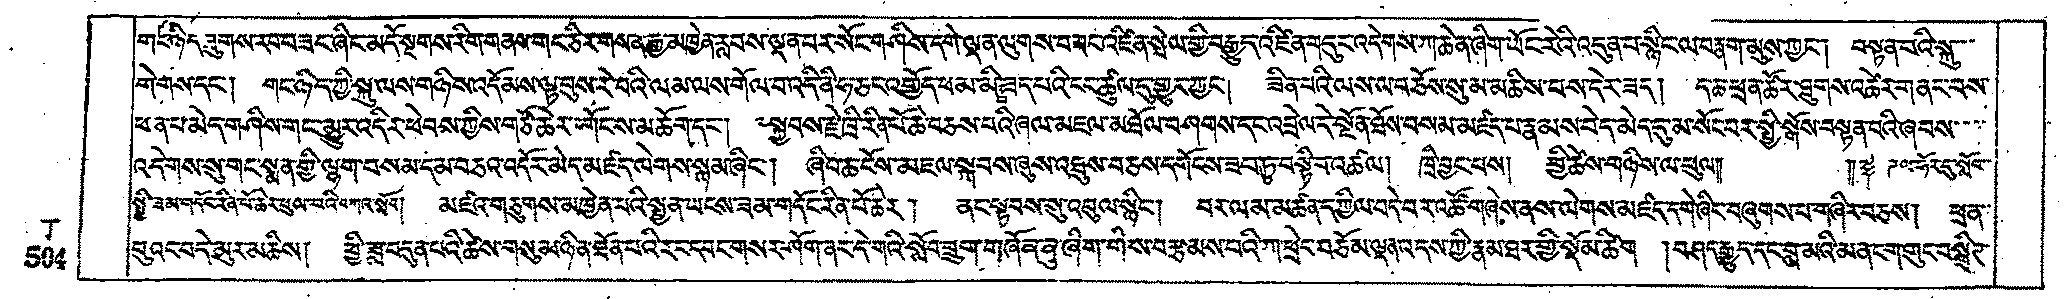གང་ཉིད་ཐུགས་རབ་བཟང་ཞིང་མདོ་སྔགས་རིག་གནས་གང་ཅིར་གསན་རྒྱ་མཁྱེན་རླབས་ལྡན་པར་སོང་གཤིས་དགེ་ལྡན་ལུགས་བཟང་འཛིན་སྤེལ་གྱི་བརྒྱུད་འཛིན་གདུང་འདེགས་ཀ་ཆེན་ཞིག་ཡོང་རེའི་འདུན་པ་སྙིང་ལ་བྲང་མུས་ཀྱང་། བསྟན་པའི་སྐུ་་་
གེགས་དང་། གང་ཉིད་ཀྱི་སྐུ་ལས་གཉིས་འདོམས་ལྟ་བུས་རེ་བའི་ལམ་ལས་གོལ་བ་འདི་ནི་ཧ་ཅང་འགྱོད་ཕམ་མི་བཟད་པའི་ངང་ཚུལ་དུ་གྱུར་ཀྱང་། ཟིན་པའི་ལས་ལ་བཅོས་སུ་མ་མཆིས་པས་དེར་ཟད། ད་ཆ་ཕྲན་ཚོར་ཐུགས་འཚེར་གནང་བས་
ཕན་པ་མེད་གཤིས་གང་མྱུར་འདིར་ཕེབས་ཀྱིས་གཙོ་ཆེར ༧གོང་ས་མཆོག་དང་། ༧སྐྱབས་རྗེ་ཁྲི་རིན་པོ་ཆེ་བཅས་པའི་ཞལ་མཇལ་མཐོལ་བཤགས་དང་འབྲེལ་དེ་སྔོན་ཐོས་བསམ་མཛད་པ་རྣམས་བདེ་མེད་དུ་མ་སོང་བར་སྤྱི་སྒོས་བསྟན་པའི་ཞབས་་་
འདེགས་སུ་གང་སྨན་གྱི་ལྷག་བསམ་དམ་བཅའ་འདོར་མེད་མཛད་ལེགས་སྙམ་ཞིང་། ཞིབ་ཆ་ངོས་མཇལ་སྐབས་ཞུས་འཐུས་བཅས་དགོངས་ཟབ་ཏུ་བསྟི་བ་འཚལ། ཁྲི་བྱང་པས། ཕྱི་ཚེས་གཉིས་ལ་ཕུལ།། །།འ་ཌལ་ཧོར་དུ་སློབ་་་
སྤྱི་ཟམ་གདོང་རིན་པོ་ཆེར་ཕུལ་བའི་བཀའ་སློབ། མཛའ་གཅུགས་མཁྱེན་པའི་སྤྱན་ཡངས་ཟམ་གདོང་རིན་པོ་ཆེར། ནང་སྟབས་སུ་འབུལ་སྙིང་། བར་ལམ་མཚན་དཀྱིལ་བདེ་བར་འཚོ་གཞེས་ནས་ལེགས་མཛད་དགེ་ཞིང་བཞུགས་པ་གཞིར་བཅས། ཕྲན་་་
བུའང་བདེ་མུར་མཆིས། ཕྱི་ཟླ་བདུན་པའི་ཚེས་གསུམ་ཉིན་ཐོན་པའི་རང་དབང་གསར་ཤོག་ནང་དེ་གའི་སློབ་ཕྲུག་གཞོན་ནུ་ཞིག་གིས་བརྩམས་པའི་ཀ་ཕྲེང་བཅོམ་ལྡན་འདས་ཀྱི་རྣམ་ཐར་གྱི་སྡོམ་ཚིག །བཤད་རྒྱུད་དང་བླ་མའི་མན་ངག་གུང་བསྒྲིཌ་